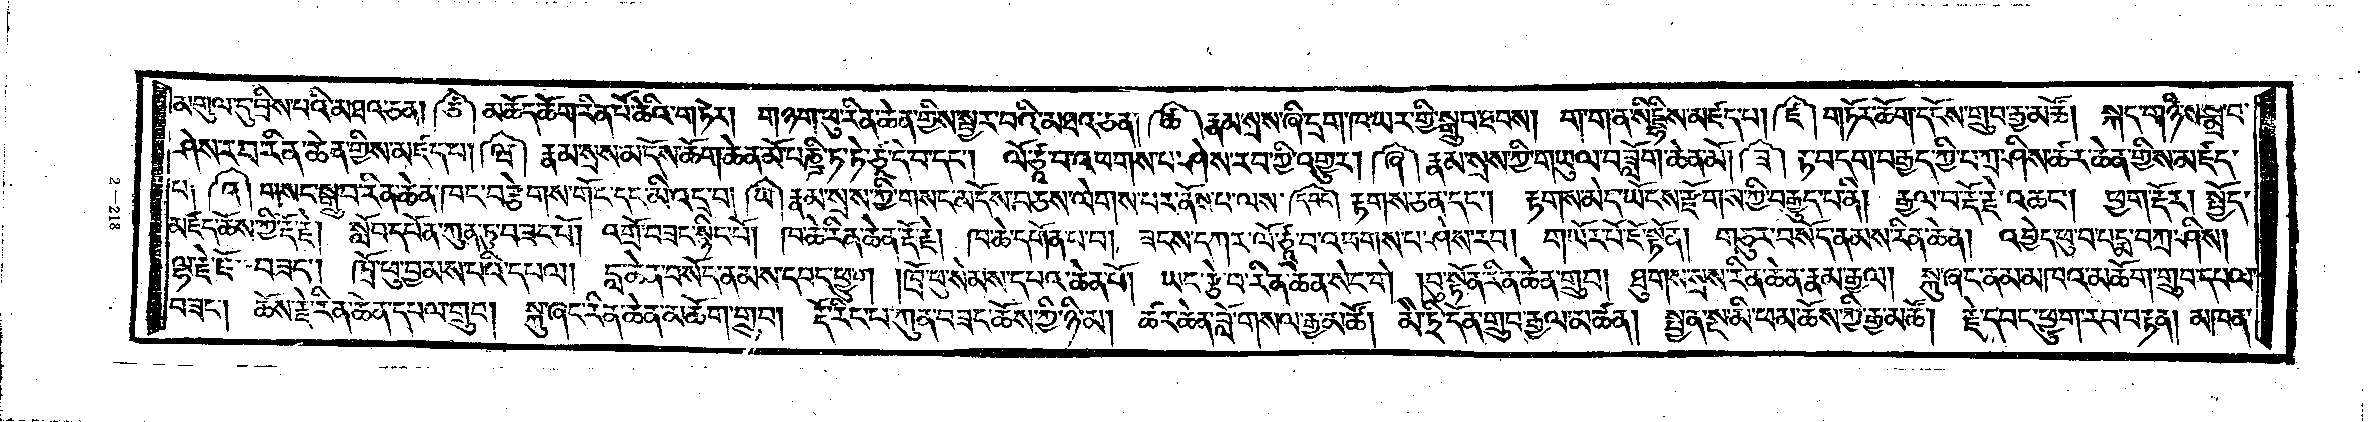མགུལ་དུ་བྲིས་པའི་མཐའ་ཅན། ༼ཙ༽ མཆོག་ཆོག་རིན་པོ་ཆེའི་གཏེར། གཉག་ཕུ་རིན་ཆེན་གྱིས་སྦྱར་བའི་མཐའ་ཅན། ༼ཚ༽ རྣམ་སྲས་ཞི་དྲག་ཁ་ཡར་གྱི་སྒྲུབ་ཐབས། ག་ག་ན་སིདྡྷི་མཛད་པ། ༼ཛ༽ གཏོར་ཆོག་དངོས་གྲུབ་རྒྱ་མཚོ། སྐད་གཉིས་སྨྲའི་
ཤེས་རབ་རིན་ཆེན་གྱིས་མཛད་པ། ༼ཝ༽ རྣམ་སྲས་མདོས་ཆོག་ཆེན་མོ་པཎྜི་ཏ་ཏེ་ཙཱ་དེ་བ་དང་། ལོ་ཙཱ་བ་འཕགས་པ་ཤེས་རབ་ཀྱི་འགྱུར། ༼ཞ༽ རྣམ་སྲས་ཀྱི་གཡུལ་བཟློག་ཆེན་མོ། ༼ཟ༽ རྟ་བདག་བརྒྱུད་ཀྱི་བཀྲ་ཤིས་ཚར་ཆེན་གྱིས་མཛད་
པ༑ ༼འ༽ གསང་སྒྲུབ་རིན་ཆེན་ཁང་བརྩེགས་གོང་དང་མི་འདྲ་བ། ༼ཡ༽ རྣམ་སྲས་ཀྱི་གསང་མདོས་བཅས་ལེགས་པར་ནོས་པ་ལས། ༼དབང༽ རྟགས་ཅན་དང་། རྟགས་མེད་ཡོངས་རྫོགས་ཀྱི་བརྒྱུད་པ་ནི། རྒྱལ་པོ་དོ་རྗེ་འཆང་། ཕྱག་རྡོར། སྤྱོད་
མཛད་ཆོས་ཀྱི་རྡོ་རྗེ། སློབ་དཔོན་ཀུན་ཏུ་བཟང་པོ། འགྲོ་བཟང་སྙིང་པོ། ཁ་ཆེ་རིན་ཆེན་རྡོ་རྗེ། ཁ་ཆེ་དགོན་པ་ལ། ཟངས་དཀར་ལོ་ཙཱ་བ་འཕགས་པ་ཤེས་རབ། གཡོར་པོ་ཇོ་སྟོན། གཙུར་བསོད་ནམས་རིན་ཆེན། འབྱེད་ཕུ་བ་པདམ་བཀྲ་ཤིས།
ལྷ་རྗེ་ཇོ་བཟང་། ཁྲོ་ཕུ་བྱམས་པའི་དཔལ། བླ་ཆེན་བསོད་ནམས་དབང་ཕྱུག །ཁྲོ་ཕུ་སེམས་དཔའ་ཆེན་པོ། ཡང་རྩེ་བ་རིན་ཆེན་སེང་གེ །བུ་སྟོན་རིན་ཆེན་གྲུབ། ཐུགས་སྲས་རིན་ཆེན་རྣམ་རྒྱལ། སྐུ་ཞང་ནམ་མཁའ་མཆོག་གྲུབ་དཔལ་
བཟང་། ཆོས་རྗེ་རིན་ཆེན་དཔལ་གྲུབ། སྐུ་ཞང་རིན་ཆེན་མཆོག་གྲུབ། རྡོ་རིང་པ་ཀུན་བཟང་ཆོས་ཀྱི་ཉི་མ། ཚར་ཆེན་བློ་གསལ་རྒྱ་མཚོ། མཻ་ཏྲི་དོན་གྲུབ་རྒྱལ་མཚན། སྤྱན་སྔ་མི་ཕམ་ཆོས་ཀྱི་རྒྱ་མཚོ། རྗེ་དབང་ཕྱུག་རབ་བརྟན། མཁན་